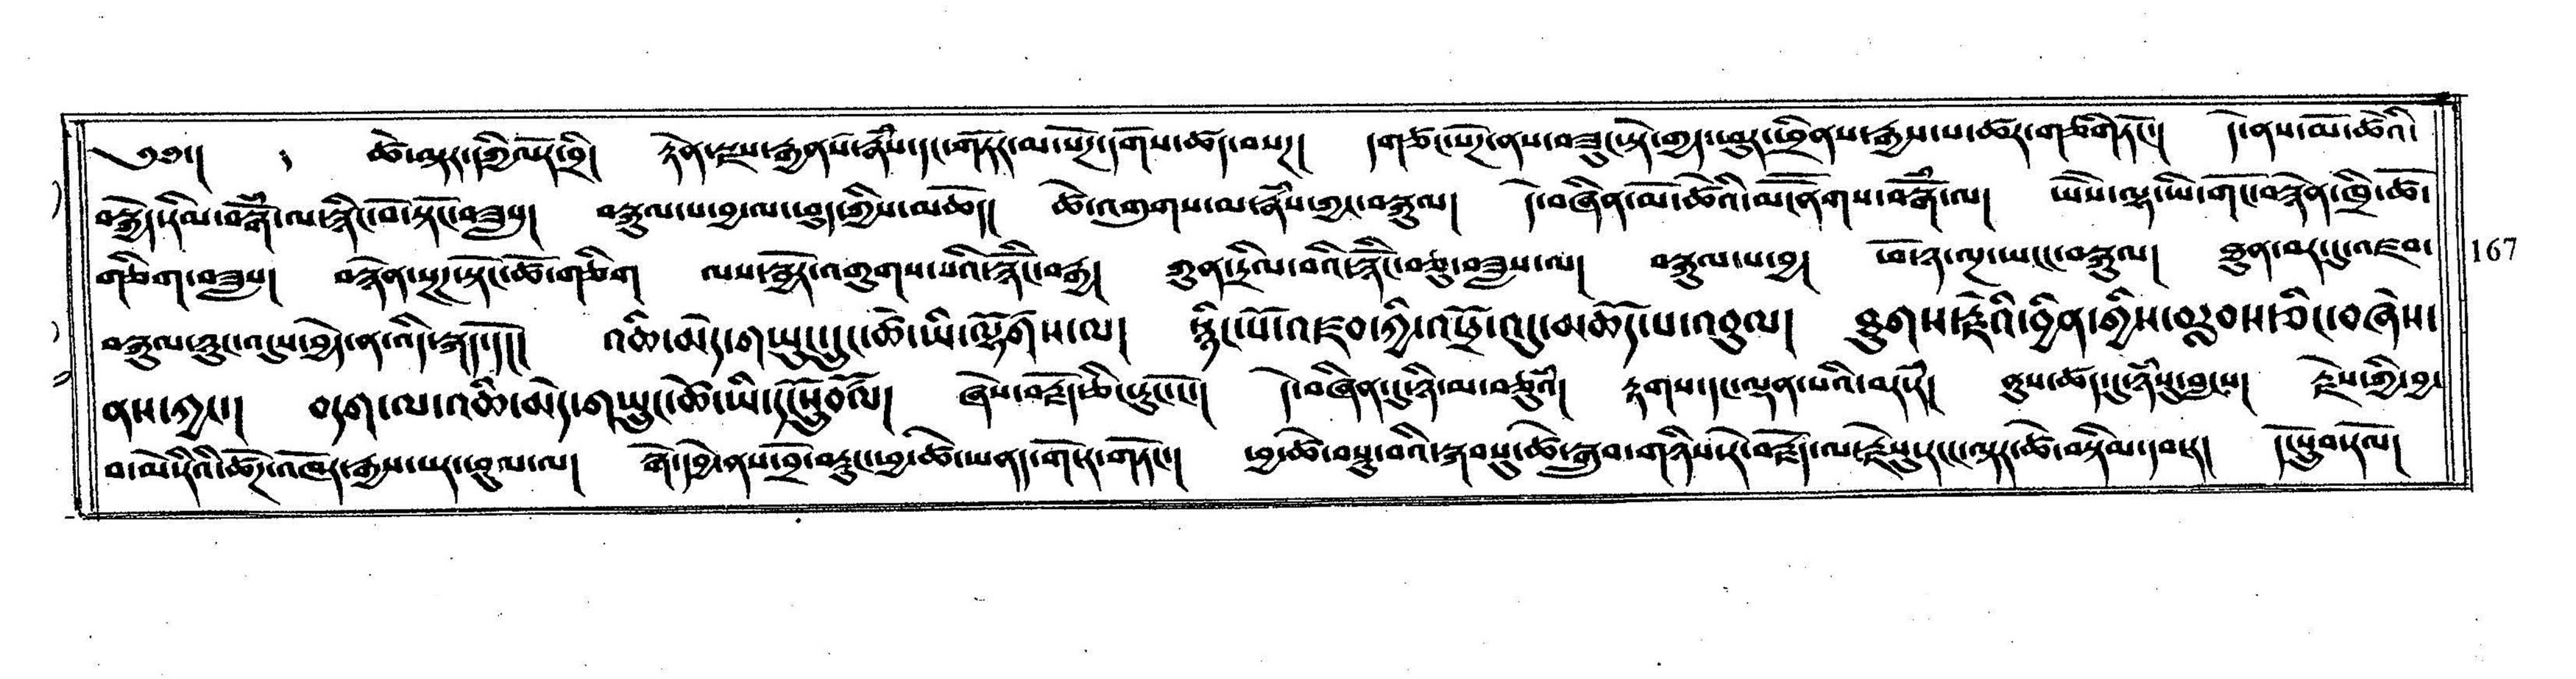ཚེ་ལྟར་དཀྱིལ་འཁོར་བྲི། རྟེན་རྫས་རྒྱན་རྫས་རྣམས་དང་གཏོར་མ་སོགས་དགོས་ཚད་བསགས། དག་གཙང་སོགས་ནས་བཟུང་སྟེ་གྱད་ཕུར་ཕྲིན་ལས་རྒྱས་པ་ཚར་གཅིག་གཏོང་། དེ་ནས་མོ་ཚེའི་
བསྐྱེད་རིམ་བསྒོམ་ལ་སྙིང་པོ་སྟོང་བཟླས། བསྐུལ་པ་བྱ་ལ་ཕུད་ཀྱིས་མཆོད། ཚེ་འགུགས་མ་རྣམས་ཀྱང་བསྐུལ། དེ་བཞིན་མོ་ཚེའི་མངོན་རྟོགས་བསྒོམ་ལ། ཡེ་ཤེས་ལྷ་ཡི་གོང་བསྙེན་ཁྲི་ཚོ་
གཅིག་བཟླས། བསྙེན་སྔགས་སྟོང་ཚོ་གཅིག ལས་སྦྱོར་འགུགས་པའི་སྙིང་པོ་བརྒྱ། ཀུན་དྲིལ་བའི་སྙིང་པོ་བཅུ་བཟླས་ལ། བསྐུལ་པ་བྱ། ཕོ་ཉ་ལྔ་ཡང་ཡང་བསྐུལ། ཐུན་བར་དུ་འཛབ་
བསྐུལ་ཉུང་འདུས་བྱེད་ན་འདི་སྐད་དོ། འཆི་མེད་གཡུང་དྲུང་ཚེ་ཡི་ལྷ་ཚོགས་ལ། སྙིང་པོ་འཛབ་ཀྱི་འཕྲོ་འདུ་མཆོད་པ་འབུལ། ཐུགས་རྗེའི་བྱིན་གྱིས་བརླབས་ཅིང་བཞེས་
ནས་ཀྱང་། བདག་ལ་འཆི་མེད་གཡུང་དྲུང་ཚེ་ཡི་དངོས་གྲུབ་སྩོལ། ཞེས་བརྗོད་ཅིང་རུང་ངོ་། དེ་བཞིན་དུ་ཉི་མ་བཅུའམ། རྟགས་དང་ལྡན་པའི་བར་རམ། ནུས་ཚད་དུ་ཉམས་སུ་བླངས། རྗེས་ཀྱི་བྱ་
བ་མེ་རིའི་ཚོགས་འཁོར་རྒྱས་པར་ཕུལ་ལ། སྒོ་དབྱེ་ནས་བྲོ་བརྡུང་ཕྱ་ཚེ་ཡན་ཆད་གོང་ལྟར་གཏོང་། ཕྱ་ཚེ་བསྡུ་བའི་སྐབས་སུ་ཚེ་སྒྲུབ་གཉིས་རེ་བརྗོད་ལ་རྗེས་སུ་རང་རང་ལྟར་ཚེ་བསྟིམ་དབང་བསྐུར། དངོས་གྲུབ་རོལ།